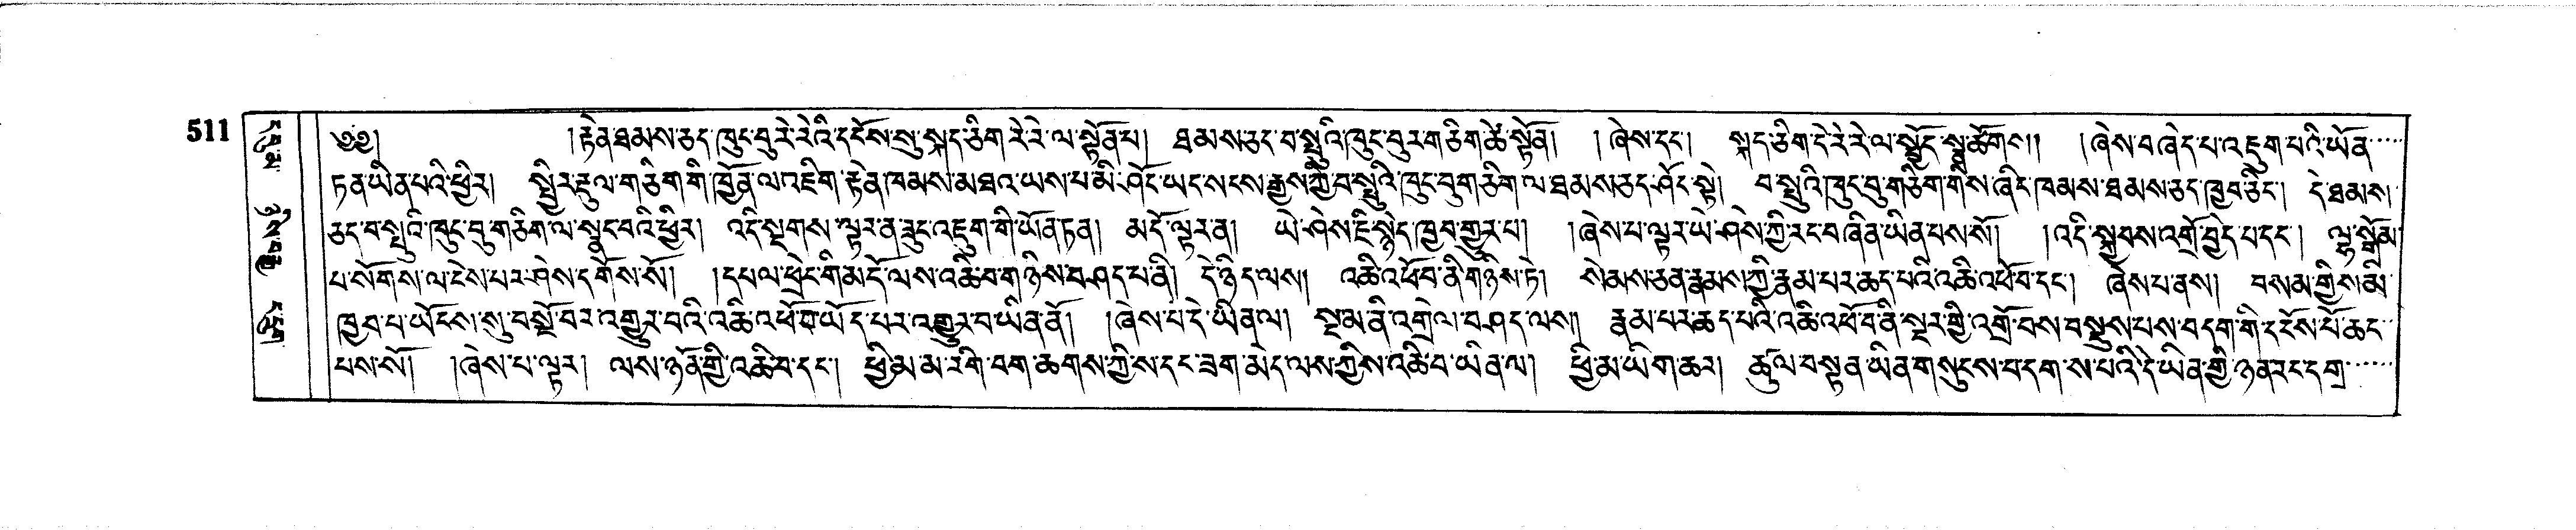༄༅། །རྟེན་ཐམས་ཅད་ཁུང་བུ་རེ་རེའི་དངོས་སུ་སྐད་ཅིག་རེ་རེ་ལ་སྟོན་པ། ཐམས་ཅད་བ་སྤུའི་ཁུང་བུར་གཅིག་ཚེ་སྟོན། །ཞེས་དང་། སྐད་ཅིག་དེ་རེ་རེ་ལ་སྤྱོད་སྣ་ཚོགས། །ཞེས་བཞེད་པ་འཇུག་པའི་ཡོན་
ཏན་ཡིན་པའི་ཕྱིར། སྤྱིར་རྡུལ་གཅིག་གི་ཁྱོན་ལ་འཇིག་རྟེན་ཁམས་མཐའ་ཡས་པ་མི་ཤོང་ཡང་སངས་རྒྱས་ཀྱི་བ་སྤུའི་ཁུང་བུ་གཅིག་ལ་ཐམས་ཅད་ཤོང་སྟེ། བ་སྤུའི་ཁུང་བུ་གཅིག་གིས་ཞིང་ཁམས་ཐམས་ཅད་ཁྱབ་ཅིང་། དེ་ཐམས་
ཅད་བ་སྤུའི་ཁུང་བུ་གཅིག་ལ་སྣང་བའི་ཕྱིར། འདི་སྔགས་ལྟར་ན་ཟུང་འཇུག་གི་ཡོན་ཏན། མདོ་ལྟར་ན། ཡེ་ཤེས་ཇི་སྙེད་ཁྱབ་གྱུར་བ། །ཞེས་པ་ལྟར་ཡེ་ཤེས་ཀྱི་རང་བཞིན་ཡིན་པས་སོ། །འདི་སྐྱབས་འགྲོ་བྱེད་པ་དང་། ལྷ་སྒོམ་
པ་སོགས་ལ་ངེས་པར་ཤེས་དགོས་སོ། །དཔལ་ཕྲེང་གི་མདོ་ལས་འཆི་བ་གཉིས་བཤད་པ་ནི། དེ་ཉིད་ལས། འཆི་འཕོ་བ་ནི་གཉིས་ཏེ། སེམས་ཅན་རྣམས་ཀྱི་རྣམ་པར་ཆད་པའི་འཆི་འཕོ་བ་དང་། ཞེས་པ་ནས། བསམ་གྱིས་མི་
ཁྱབ་པ་ཡོངས་སུ་བསྔོ་བར་འགྱུར་བའི་འཆི་འཕོ་བ་ཡོད་པར་འགྱུར་བ་ཡིན་ནོ། །ཞེས་པ་དེ་ཡིན་ལ། སྔ་མ་ནི་འགྲེལ་བཤད་ལས། རྣམ་པར་ཆད་པའི་འཆི་འཕོ་བ་ནི་སྔར་གྱི་འགྲོ་བས་བསྡུས་པས་བདག་གི་དངོས་པོ་ཆང་
པས་སོ། །ཞེས་པ་ལྟར། ལས་ཉོན་གྱི་འཆི་བ་དང་། ཕྱི་མ་མ་རིག་བག་ཆགས་ཀྱི་ས་དང་ཟག་མེད་ལས་ཀྱིས་འཆི་བ་ཡིན་ལ། ཕྱི་མ་ཡིག་ཆར། ཚུལ་བསྟན་ཡིན་གསུངས་པ་དག་ས་པའི་དེ་ཡིན་གྱི་ཉན་རང་དགྲ་